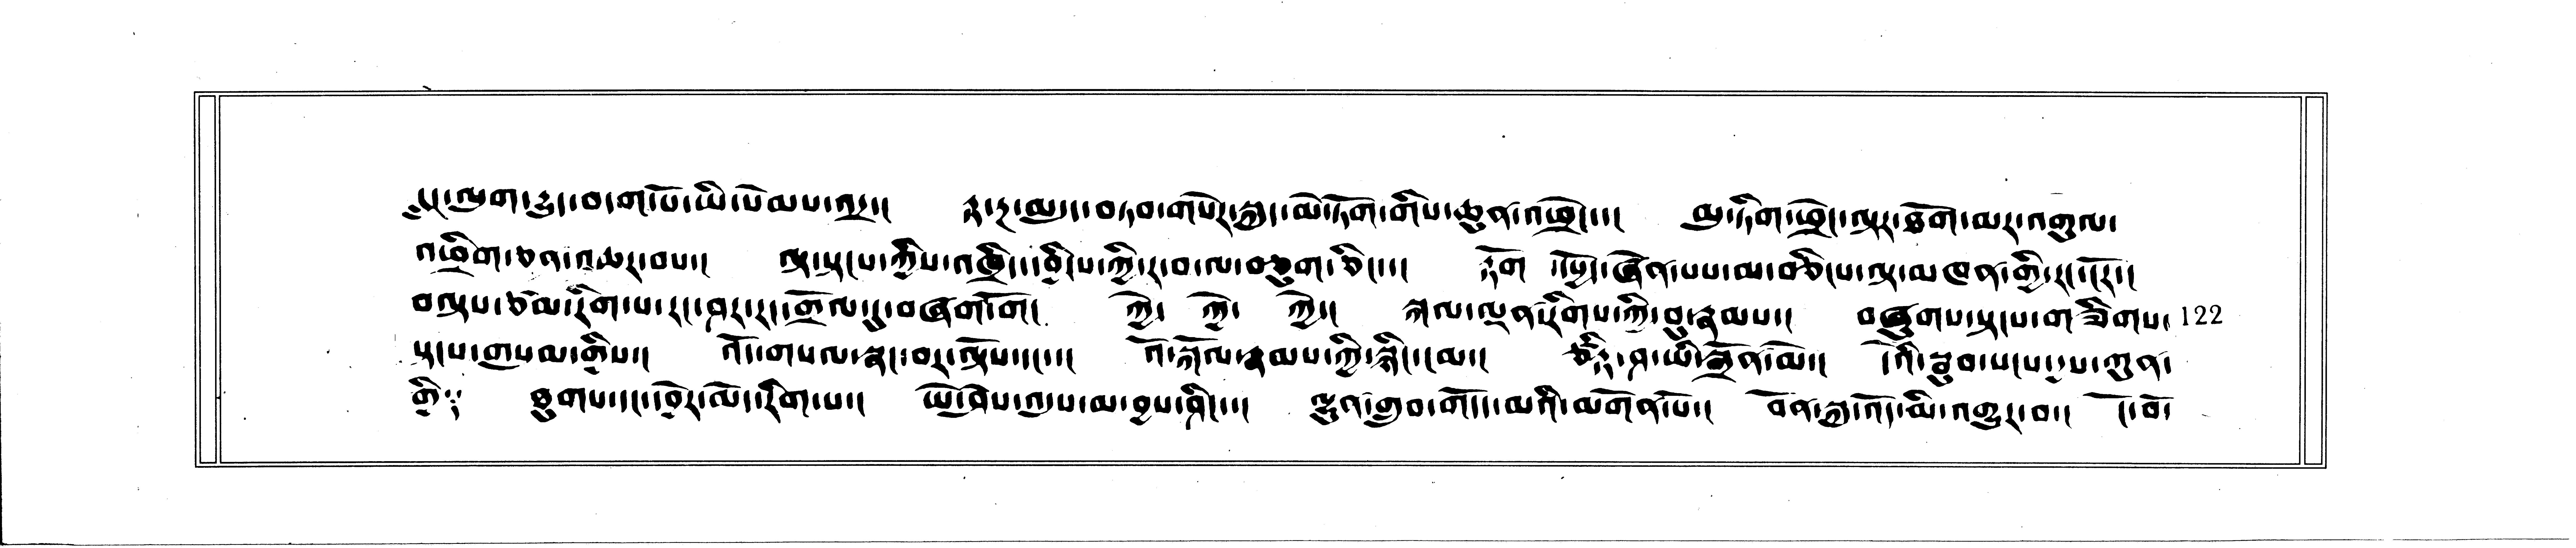དྲུང་ལུག་རྒྱུད་བདག་པོ་ཡི་སེམས་འདྲ། །རྟ་རྔ་མདུད་བཏབ་གསེར་སྐུད་མེ་ཏོག་གིས་ཆུན་འཕྲེང་། །མུ་ཏིག་འཕྲེང་ལྟར་ཐོག་མར་འགུལ་
འཕྲིག་ཅན་འཆར་བས། །ལྟ་སྟངས་ཀྱིས་འཁྲིད་དབྱིངས་ཀྱི་རྭ་བ་ལ་བཅུག་ཅིང་། །རྟོག་དཔྱོད་ཞན་པས་མ་བཅིང་ལྟ་མཁན་གྱི་རང་ངོར། །
བལྟས་ཙམ་རིག་པ་རང་ཤར་རང་གྲོལ་དུ་བཞག་གོ །ཀྱེ་ཀྱེ་ཀྱེ། སྐལ་ལྡན་རིགས་ཀྱི་བུ་རྣམས། །བཞུགས་སྟངས་གཟིགས་
སྟངས་གསུམ་གྱིས། །འོད་གསལ་སྣང་བར་ལྟོས་དང་། །འོ་སྐོལ་རྣམས་ཀྱི་སྙིང་ངམ། །ཙིརྟ་ཤ་ཡི་སྒྲོན་མེ། །དེའི་སྦུབས་སངས་རྒྱས་ཀུན་
གྱི། །ཐུགས་དང་དབྱེར་མེད་རིག་པ། །ཡེ་ཤེས་འདུས་མ་བྱས་ཤིང་། །ལྷུན་གྲུབ་གདོད་མའི་མགོན་པོ། །བོན་སྐུ་འོད་མི་འགྱུར་བ། །ངོ་བོ་